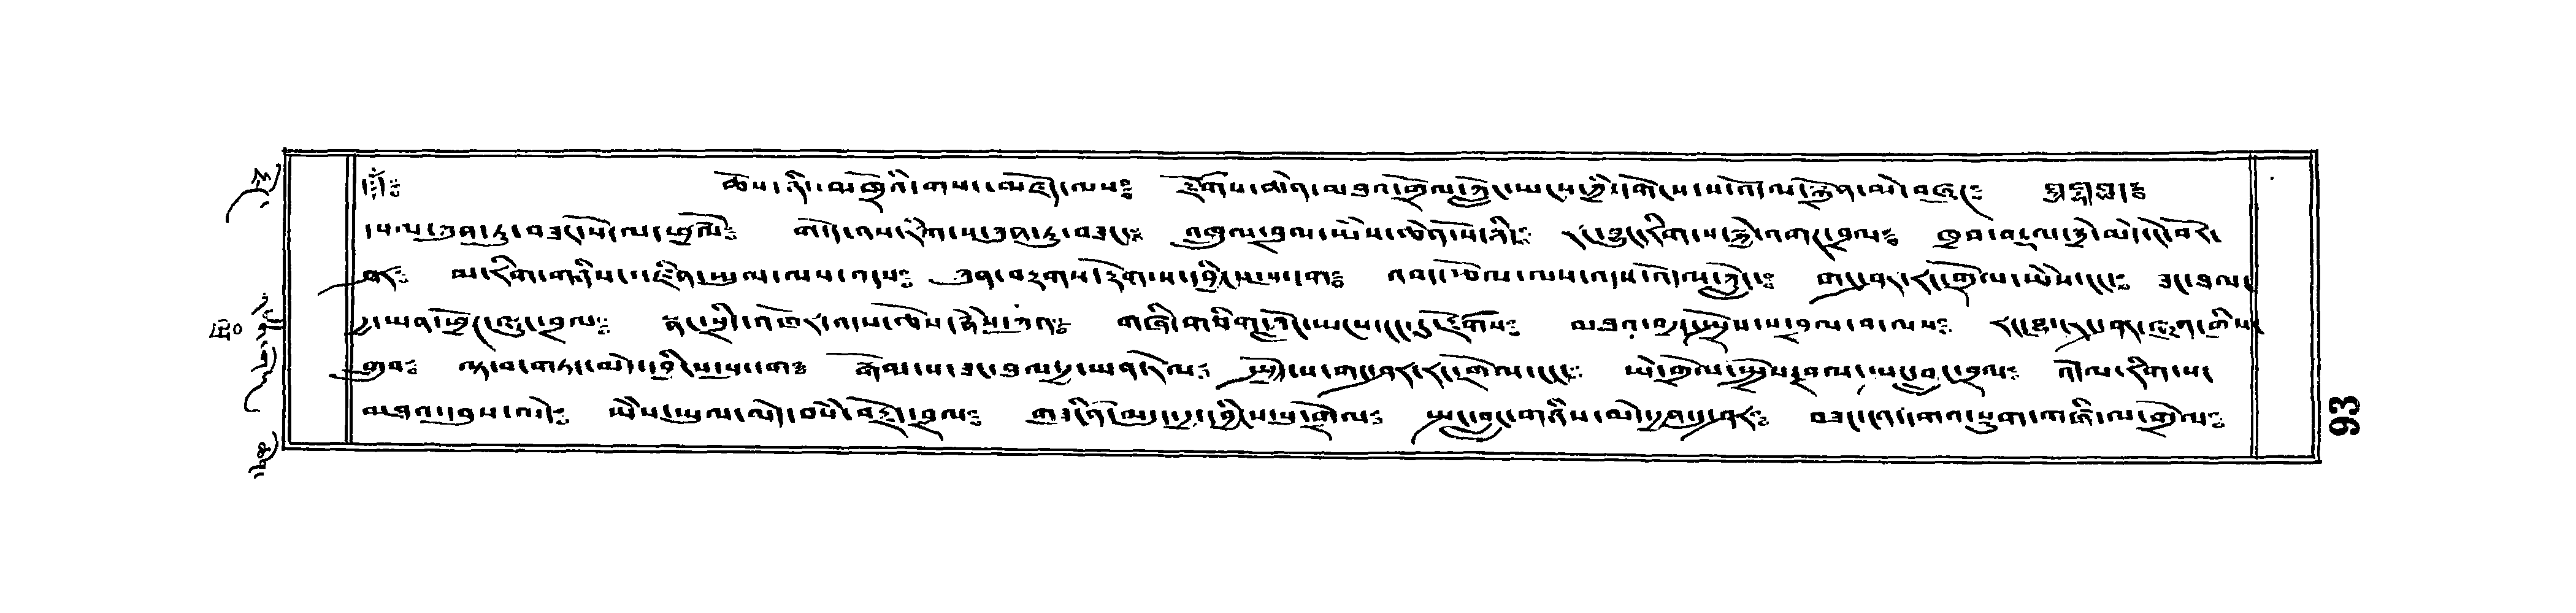ཆོས་ཉིད་མཁའ་འགྲོའི་གསང་མཛོད་ལས༔ རྫོགས་ཆེན་མཐའ་གྲོལ་ཀློང་ཡངས་ཀྱི་དགོངས་པ་འོད་གསལ་སྒྲོན་མེ་བཞུགས༔ 
དཔལ་ཀུན་ཏུ་བཟང་པོ་ལ་ཕྱག་འཚལ་ལོ༔ གདོད་ནས་རིག་པ་ཀུན་ཏུ་བཟང༔ འཁྲུལ་བྲལ་ཡེ་ཤེས་ཆེན་པོ་ཉིད༔ རང་བྱུང་རིག་པ་སྐྱེ་འགག་བྲལ༔ ཁྱབ་བརྡལ་སྐྱེ་མེད་ངོ་བོར་
ཤར༔ མ་རིག་གཉིས་འཛིན་ཡུལ་ལས་འདས༔ ཀུན་བརྟགས་རྟོག་པ་དབྱིངས་སུ་དག༔ འབད་རྩོལ་ལས་འདས་འོད་གསལ་ཀློང༔ གང་ཤར་རང་གྲོལ་ཡེ་ཤེས་ངང༔ ཟང་ཐལ་
རྒྱ་ཡན་ཕྱོགས་ལྷུང་བྲལ༔ སྣང་སྲིད་འཁོར་འདས་ཆོས་རྣམས་ཀུན༔ གཞི་གཅིག་ཀློང་ཡངས་ངང་དུ་རྫོགས༔ མཐའ་བརྒྱད་སྤྲོས་པ་བྲལ་བ་ལས༔ རང་བྱུང་རང་ཤར་ལྷུན་གྱིས་
གྲུབ༔ ལྟ་བ་གཏད་མེད་དབྱིངས་སུ་དག༔ སྒོམ་པ་ཟང་ཐལ་རྒྱ་ཡན་རོལ༔ སྤྱོད་པ་གང་ཤར་རང་གྲོལ་ངང༔ ཡེ་གྲོལ་སྤྲོས་བྲལ་སྤང་བླང་བྲལ༔ འོད་གསལ་རིག་པ་
མཐའ་དབུས་མེད༔ ཡེ་ཤེས་ཡུལ་མེད་བསམ་བརྗོད་བྲལ༔ གཟུང་འཛིན་མདུད་རྒྱ་དབྱིངས་སུ་གྲོལ༔ སྤང་བླང་གཉིས་མེད་རྒྱན་དུ་ཤར༔ བཟང་ངན་དགའ་སྡུག་གཞི་ལ་གྲོལ༔